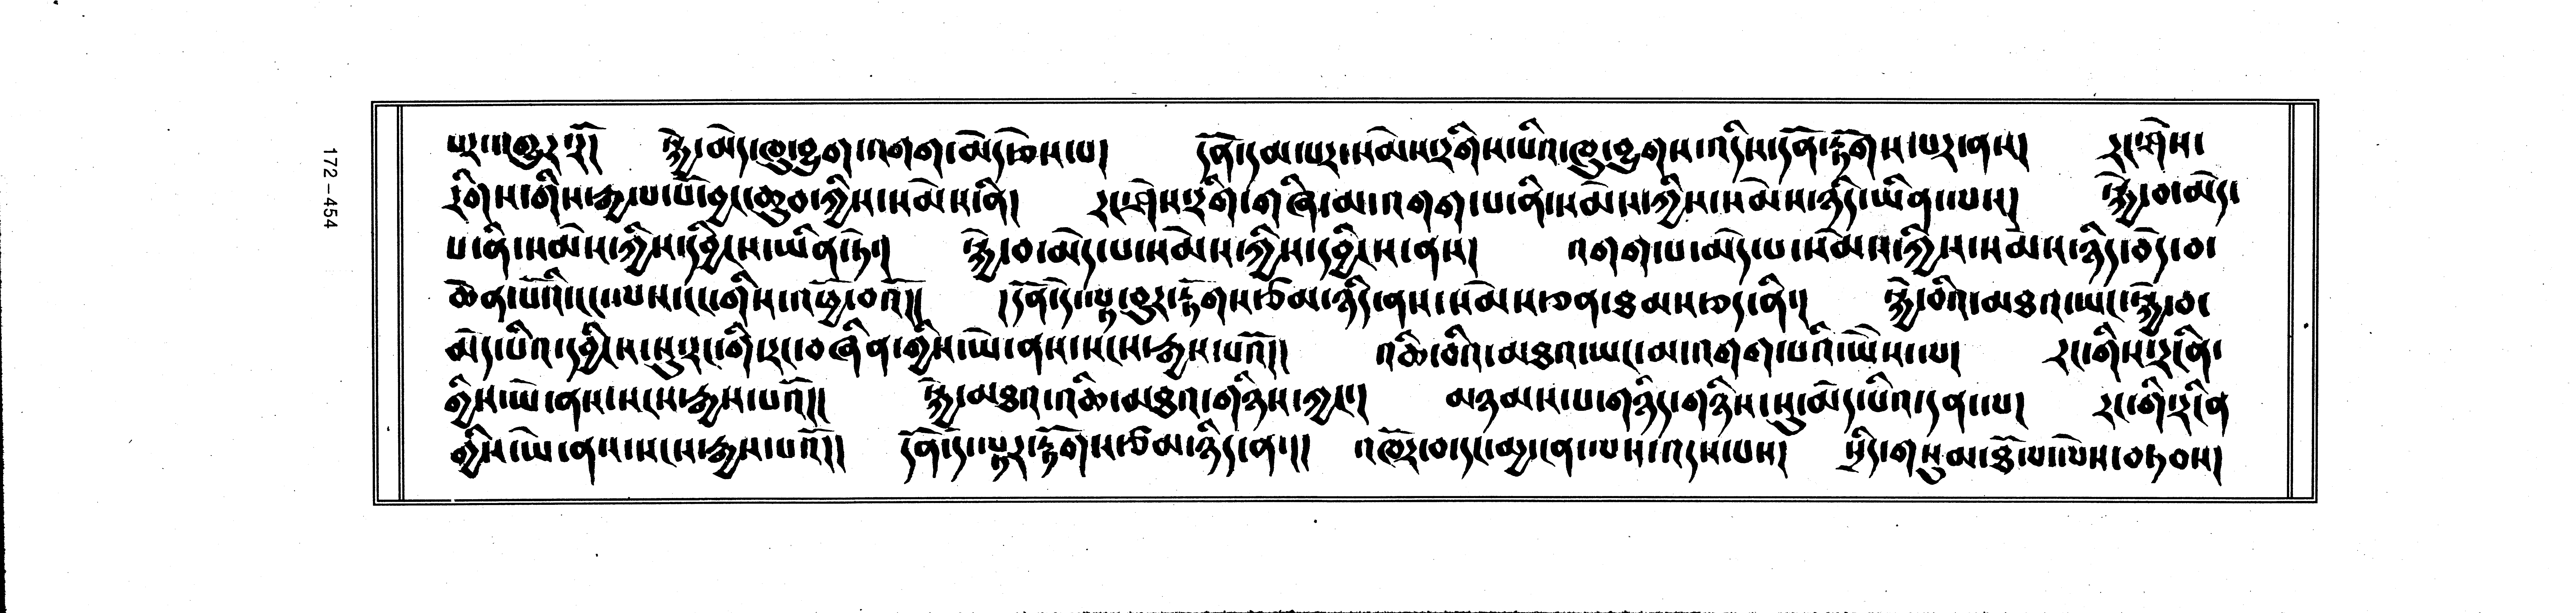པར་འགྱུར་རོ། སྐྱེ་མེད་ཁུ་བྱུག་འགག་མེད་ཅེས་པ། དོན་དམ་པར་སེམས་རིག་པའི་ཁུ་བྱུག་འདིས་དོན་རྟོགས་པས་ནས། རང་ཤེས་
རིག་གིས་རྒྱལ་པོ་བྱང་ཆུབ་ཀྱིས་སེམས་ནི། རང་ཤེས་རིག་གཞི་མ་འགག་པ་ནི་སེམས་ཀྱིས་སེམས་ཉིད་ཡིན་ལས། སྐྱེ་བ་མེད་
པ་ནི་སེམས་ཀྱིས་དབྱིངས་ཡིན་ཏེ། སྐྱེ་བ་མེད་པ་སེམས་ཀྱིས་དབྱིངས་ནས། འགག་པ་མེད་པ་སེམས་ཀྱིས་སེམས་ཉིད་བདེ་བ་
ཆེན་པོའི་ངང་ལས་ངང་གིས་འཕྱོ་བའོ། དོན་དེ་ལྟ་བུར་རྟོགས་ཙམ་ཉིད་ནས་སེམས་ཅན་ཐམས་ཅད་ནི། སྐྱེ་བའི་མཐའ་ཡང་སྐྱེ་བ་
མེད་པའི་དབྱིངས་སུ་རང་གི་རང་བཞིན་གྱིས་ཡེ་ནས་སངས་རྒྱས་པའོ། འཆི་བའི་མཐའ་ཡང་མ་འགག་པའི་ཡེ་ཤེས་ལ། རང་གི་རང་བཞིན་
གྱིས་ཡེ་ནས་སངས་རྒྱས་པའོ། སྐྱེ་མཐའ་འཆི་མཐའ་གཉིས་ཀྱང་། མཉམས་པ་གཉིད་གཉིས་སུ་མེད་པའི་དོན་ལ། རང་གི་རང་བཞིན་
གྱིས་ཡེ་ནས་སངས་རྒྱས་པའོ། དོན་དེ་ལྟར་རྟོགས་ཙམ་ཉིད་ན། འཁོར་བ་དང་མྱ་ངན་ལས་འདས་པས། སྲིད་གསུམ་ཐོལ་ལེས་བཏབས།